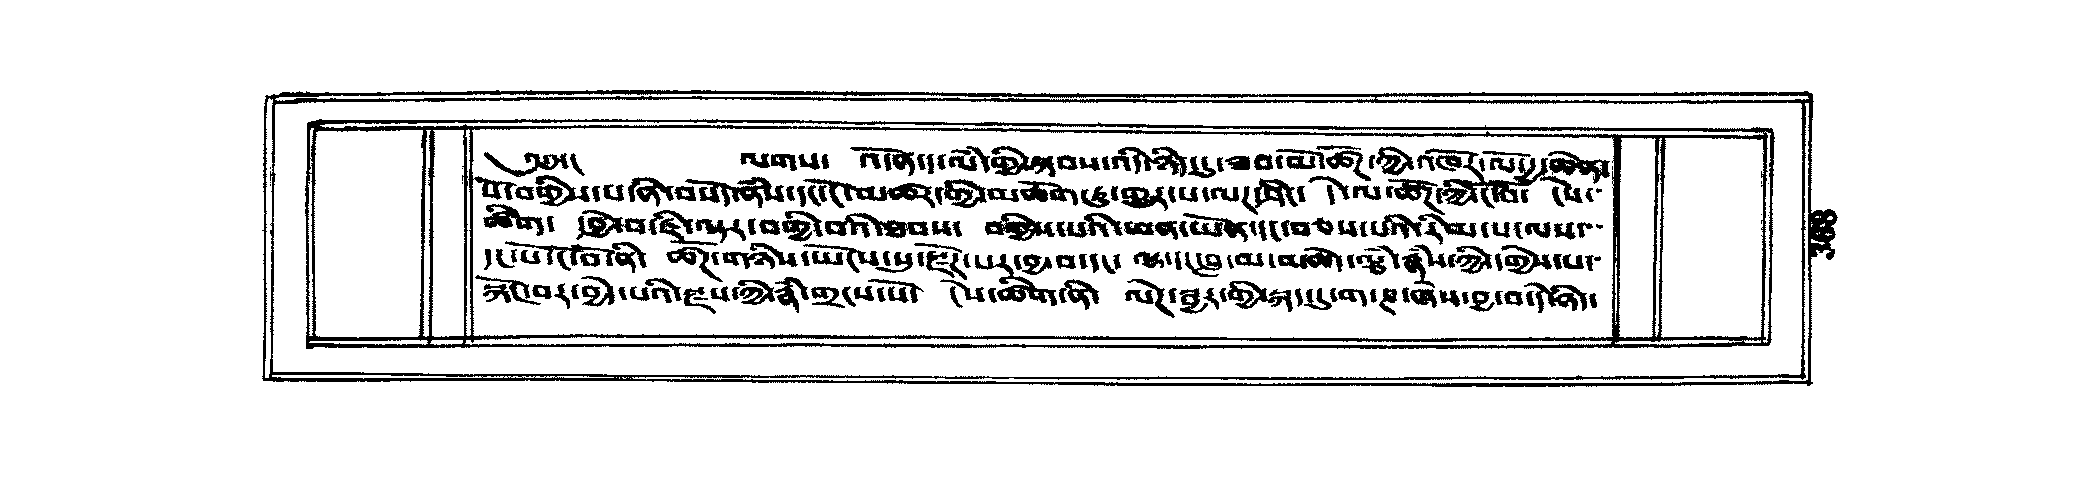ལགས་འོ་ན་ད་ལམ་གྱི་སྐབས་འདི་ཉིད་དུ་ཟབ་མོ་ཚོགས་ཀྱི་འཁོར་ལོ་རྒྱ་ཆེན་
པོ་བགྱིས་པ་ནི་བསོད་ནམས་དག་ངོ་མཚར་གྱི་མཆོག་ཏུ་གྱུར་པ་ལགས་ཤིང་། དེ་ལ་ཚོགས་ཀྱི་ངོ་བོ། ངེས་
ཚིག་དབྱེ་བ་ཇི་ལྟར་བགྱི་བའི་ཐབས། བགྱིས་པའི་ཕན་ཡོན་དང་བཅས་པའི་རིམ་པ་ལས་
དང་པོ་ངོ་བོ་ནི། ཚོགས་གཉིས་ཡོངས་སུ་རྫོགས་པར་བྱ་བ་དང་། ལྷ་དང་བླ་མ་མཆེད་ལྕམ་རྣམས་ཀྱི་དགྱེས་པ་
སྐོང་བར་བྱེད་པའི་རྫས་ཀྱི་རྣམ་གྲངས་སོ། ངེས་ཚིག་ནི། ལེགས་སྦྱར་གྱི་སྐད་དུ་ག་ཎ་ཞེས་བྱ་བ་དེ་ཉིད་